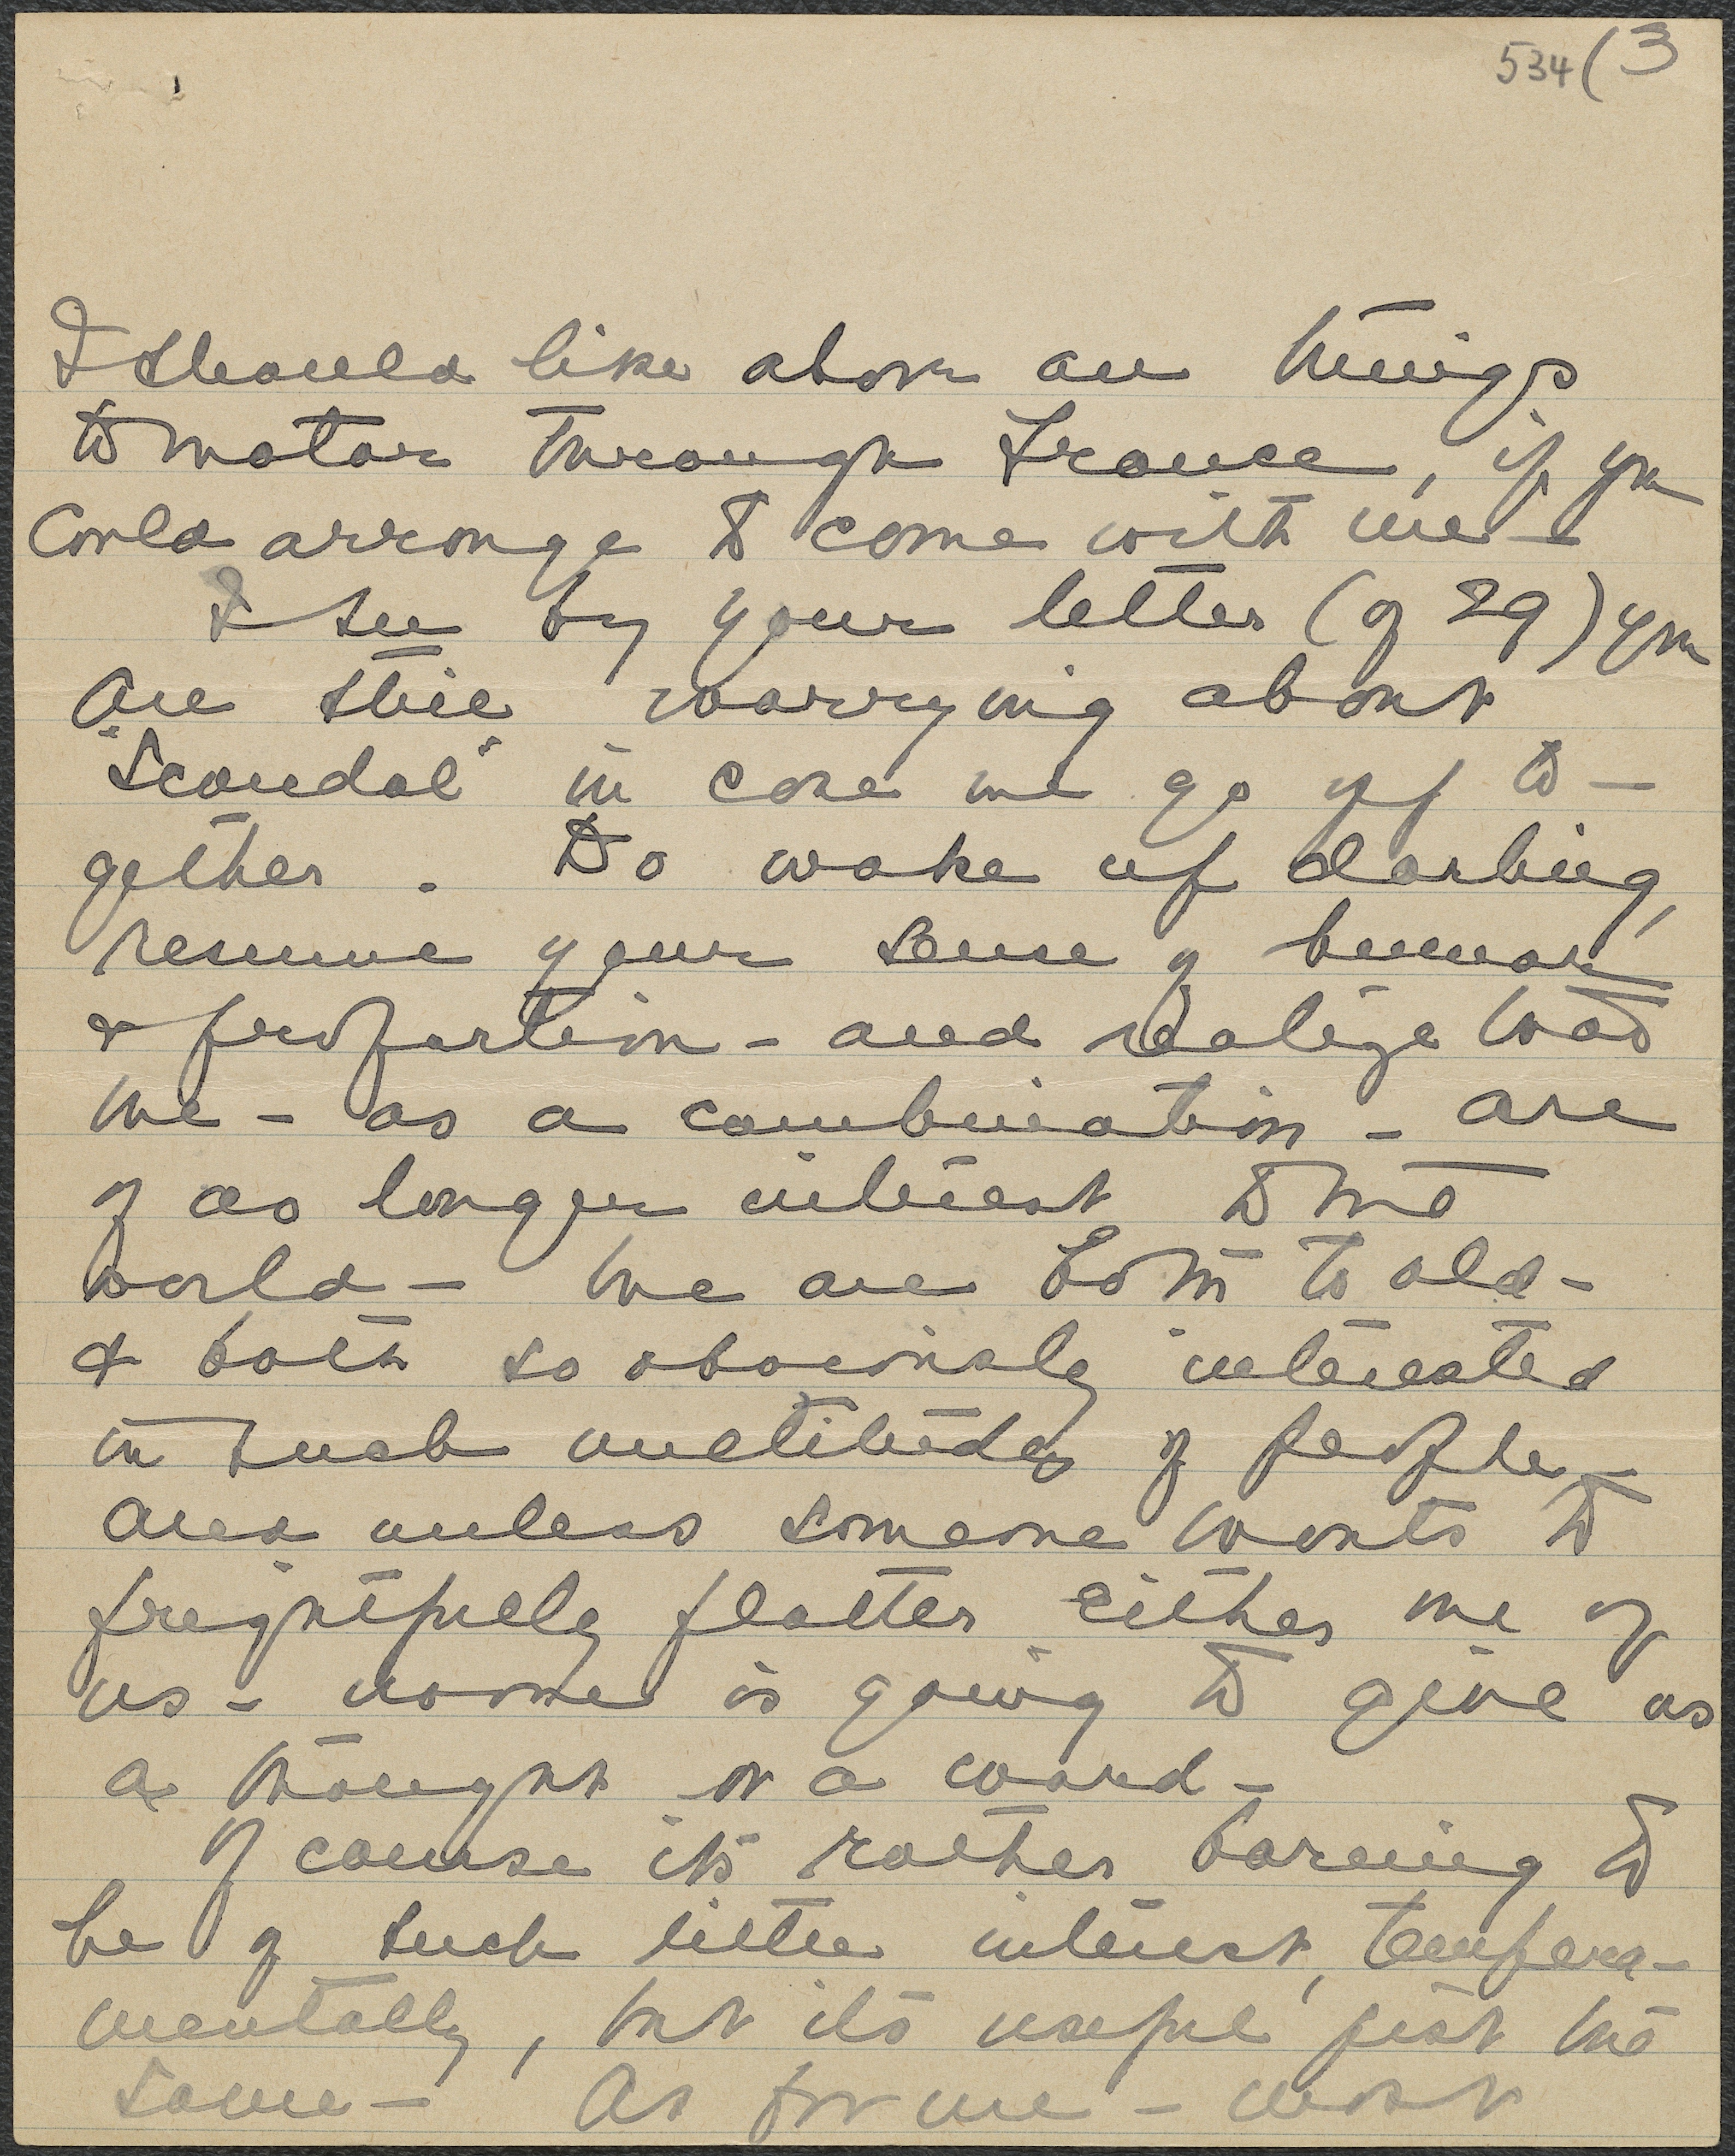I should like above all things to motor through France, if you could arrange to come with me –
I see by your letter (of 29) you are still worrying about scandal in case we go off together. Do wake up darling, reserve your sense of humour & proportion – and realize that we – as a combination – are of no longer interest to the world – we are both to [sic] old – & both so obviously interested in such multitudes of people – and unless someone wants to frightfully flatter either one of us – no one is going to give as a thought or a word –
of course its [sic] rather boring to be of such little interest, temperamentally, but its [sic] useful just the same – as for me – most